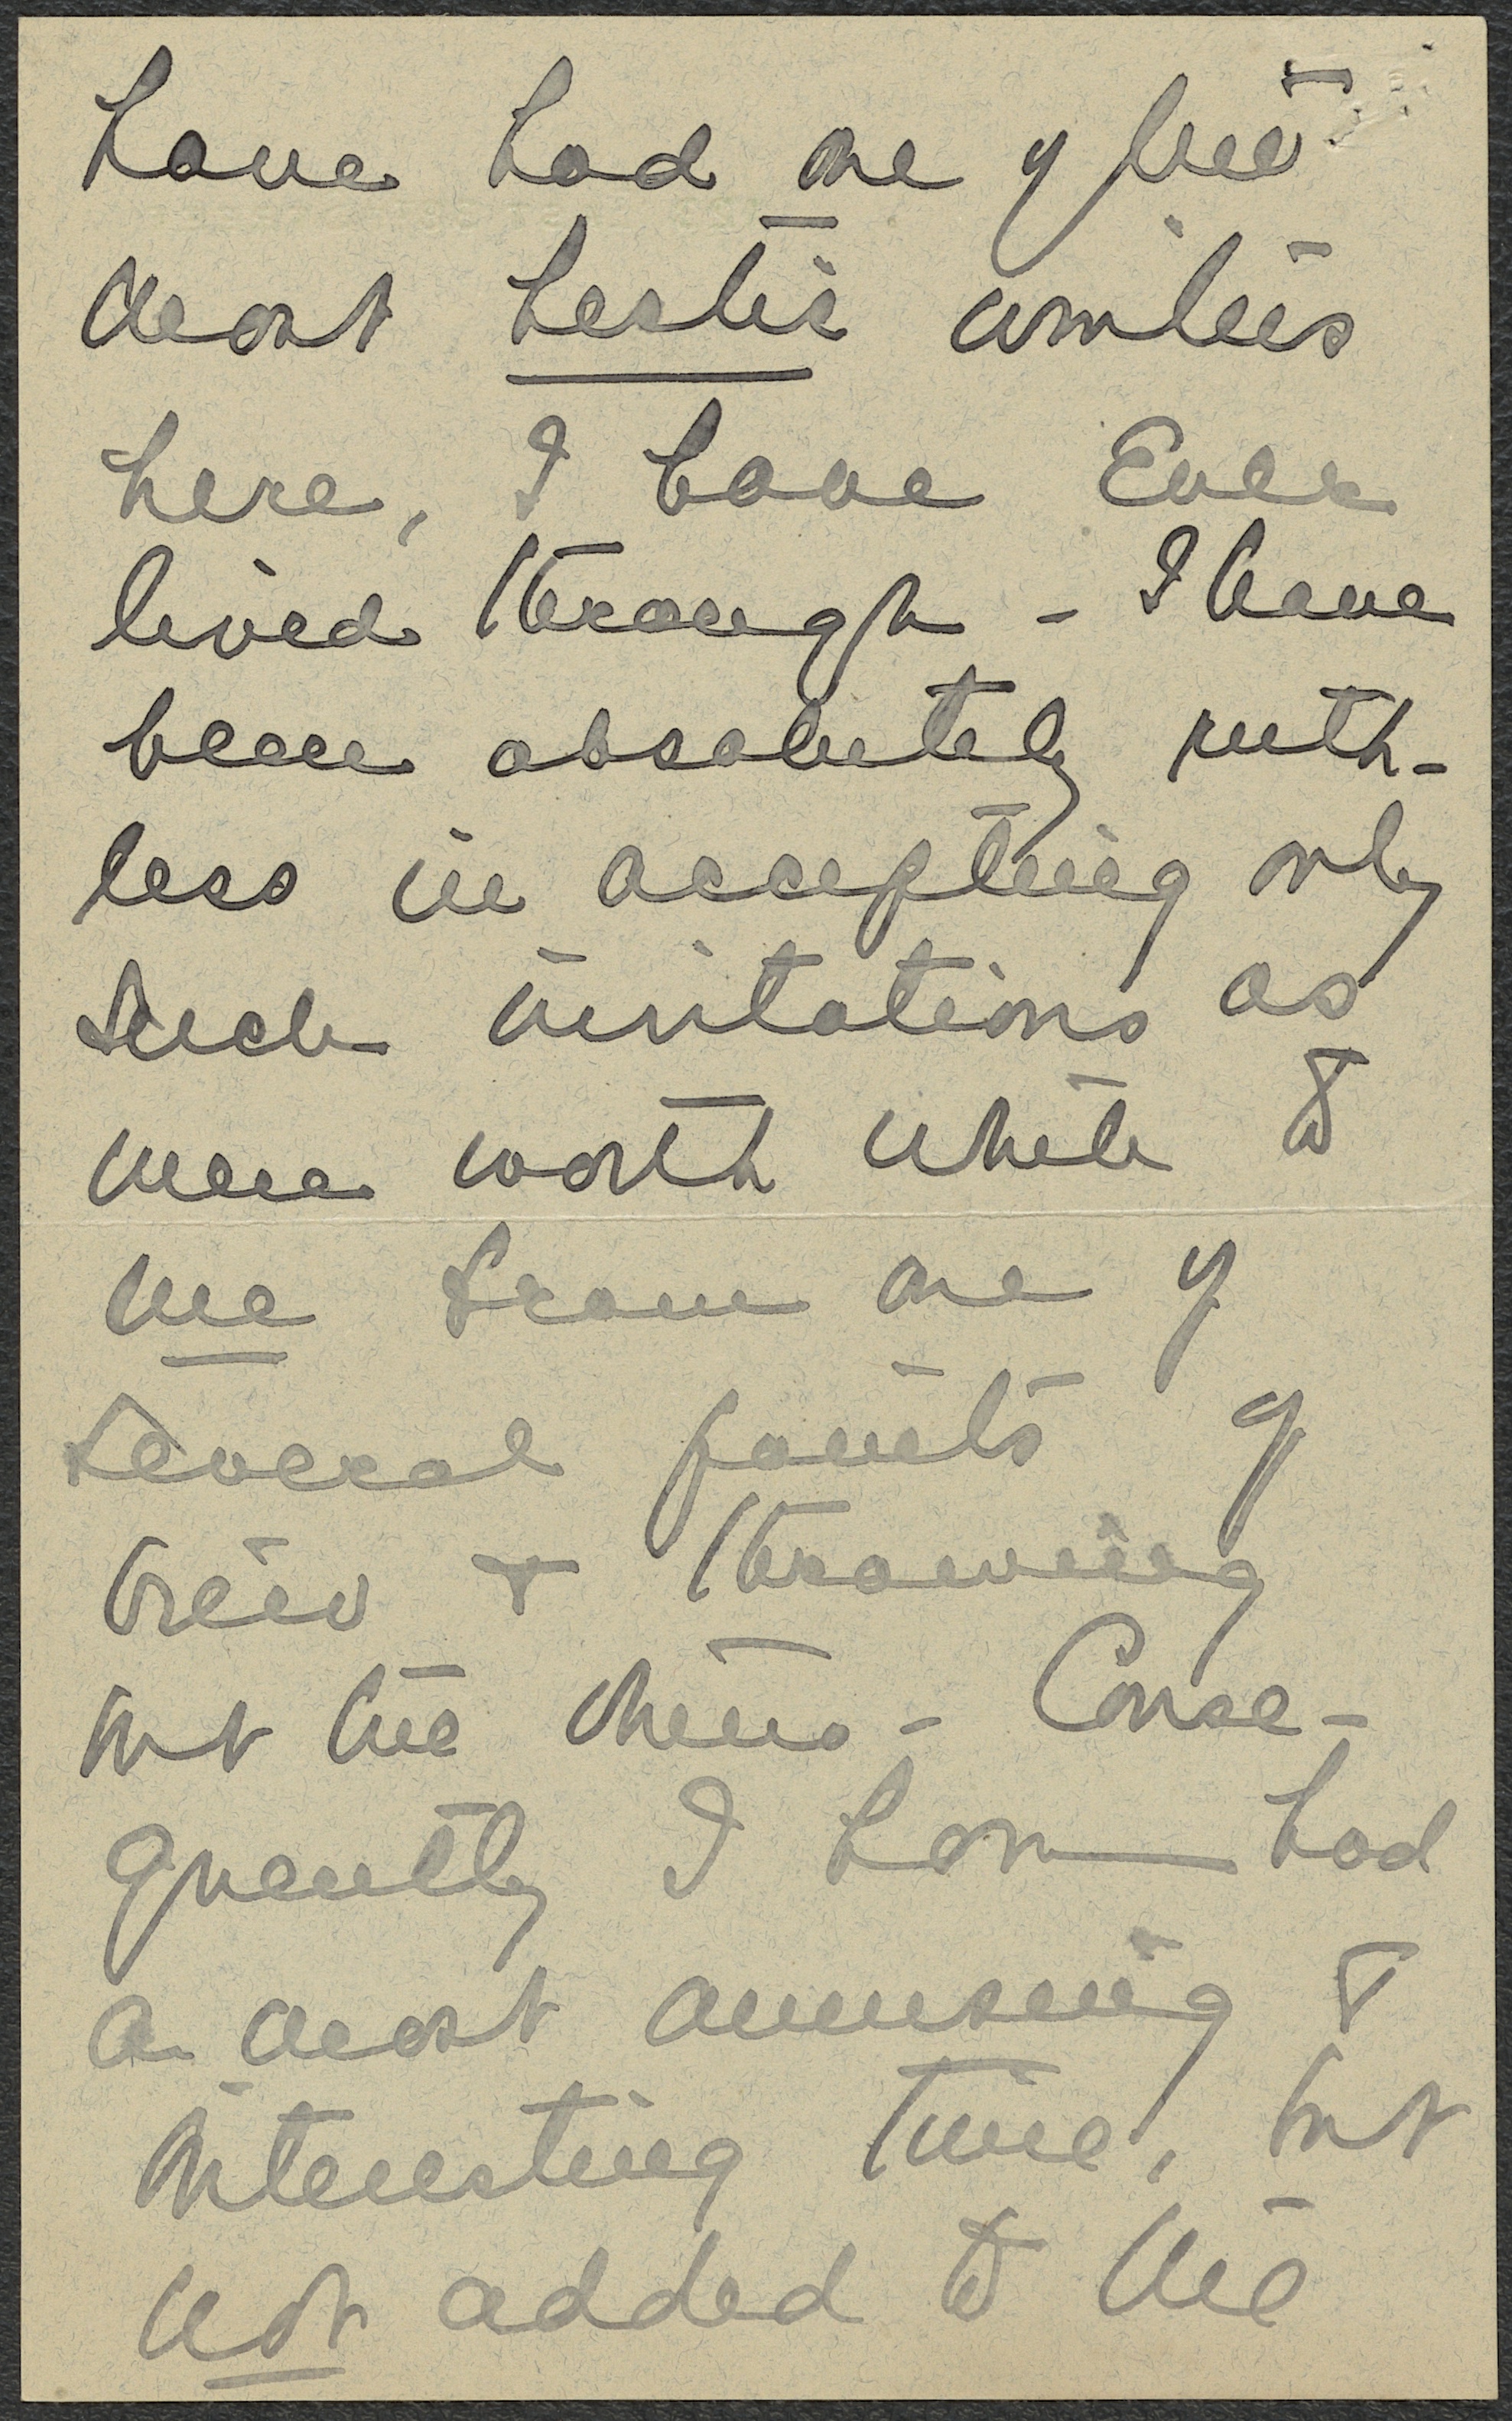have had one of the most hectic winters here, I have ever lived through – I have been absolutely ruthless in accepting only such invitations as were worth while to me from one of several points of view & throwing out the others – Consequently I have had a most amusing & interesting time, but not added to the